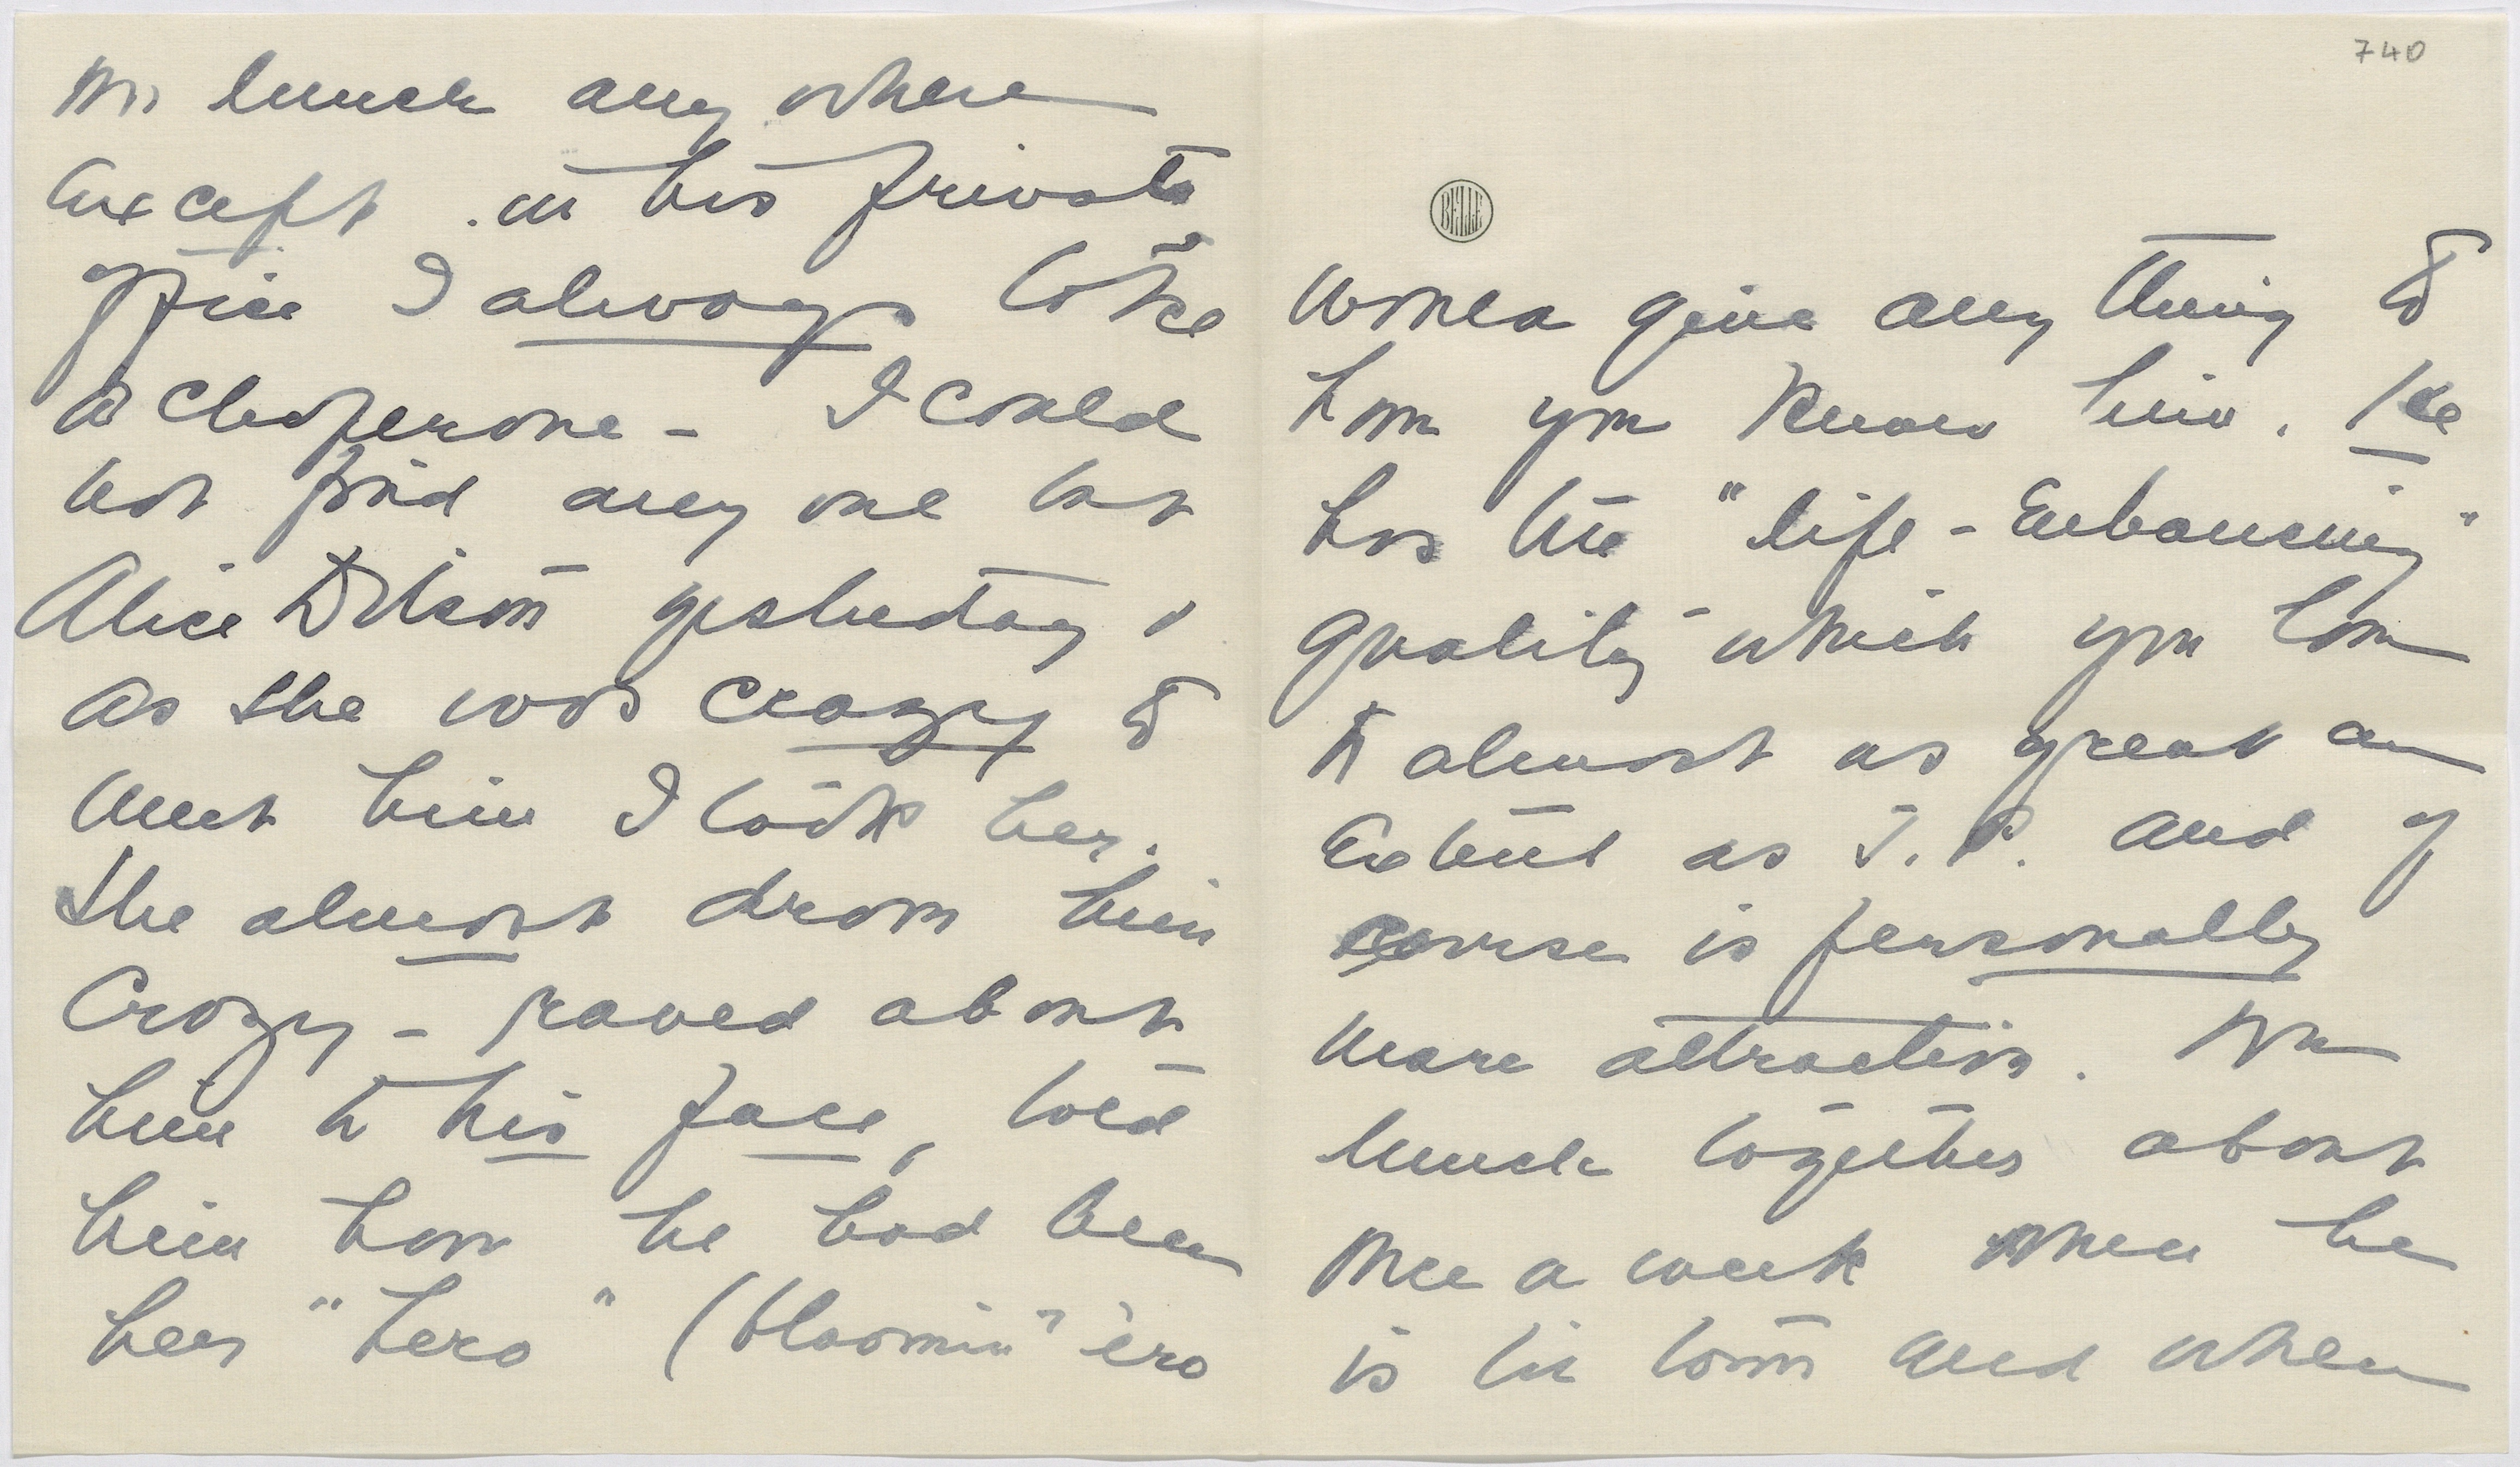would give any thing to have you know him. He has the “life-enhancing” quality which you have to almost as great an extent as J. P. and of course is personally more attractive. We lunch together about once a week when he is in town and when
we lunch any where except in his private office I always take a chaperone – I could not find any one but Alice Ditson yesterday & as she was crazy to meet him I took her. She almost drove him crazy – raved about him to his face, told him how he had been her “hero” (bloomin’ ‘ero